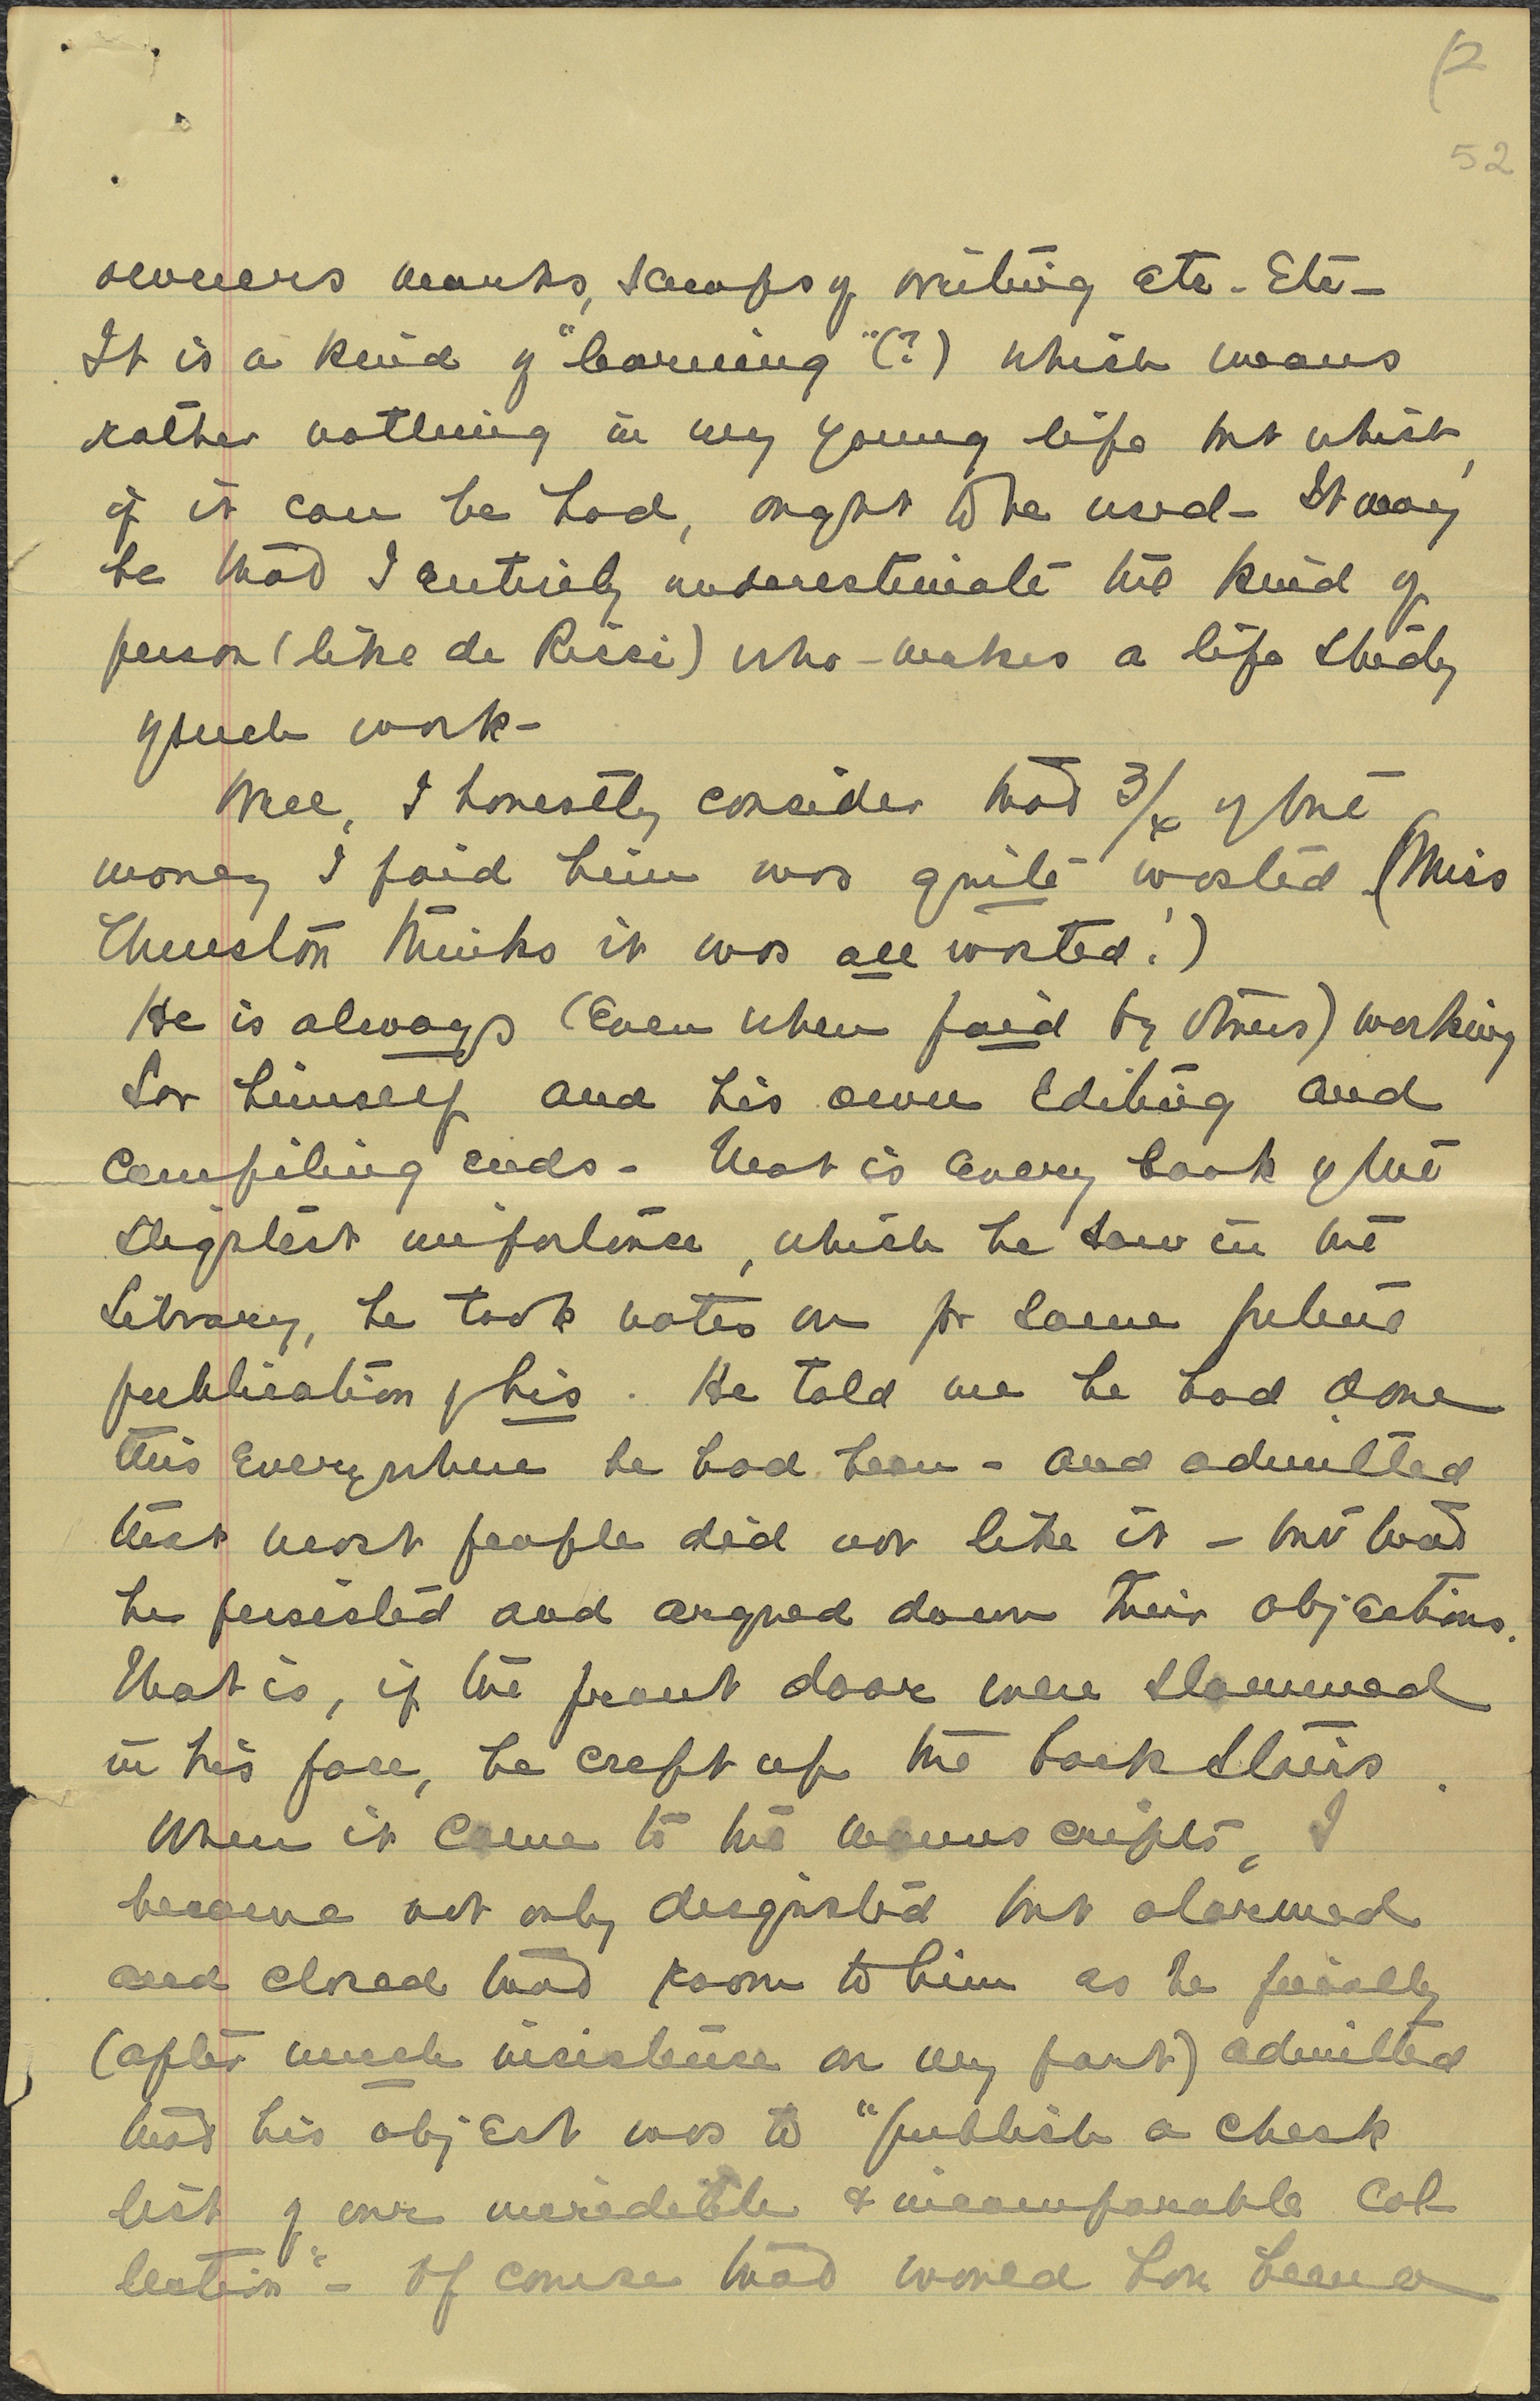owners marks, scraps of writing etc. etc –
It is a kind of "learning" (?) which means rather nothing in my young life but which, if it can be had, ought to be used – It may be that I entirely underestimate the kind of person (like de Ricci) who makes a life study of such work –
Well, I honestly consider that 3/4 of the money I paid him was quite wasted (Miss Thurston thinks it was all wasted!)
He is always (even when paid by others) working for himself and his own editing and compiling ends – That is every book of the slightest importance, which he saw in the Library, he took notes on for some future publication of his. He told me he had done this everywhere he had been – and admitted that most people did not like it – but that he persisted and argued down their objections. That is, if the front door were slammed in his face, he crept up the back stairs. When it came to the manuscripts, I became not only disgusted but alarmed and closed that room to him as he finally (after much insistence on my part) admitted that his object was to "publish a check list of our incredible & incomparable collection" – of course that would have been a